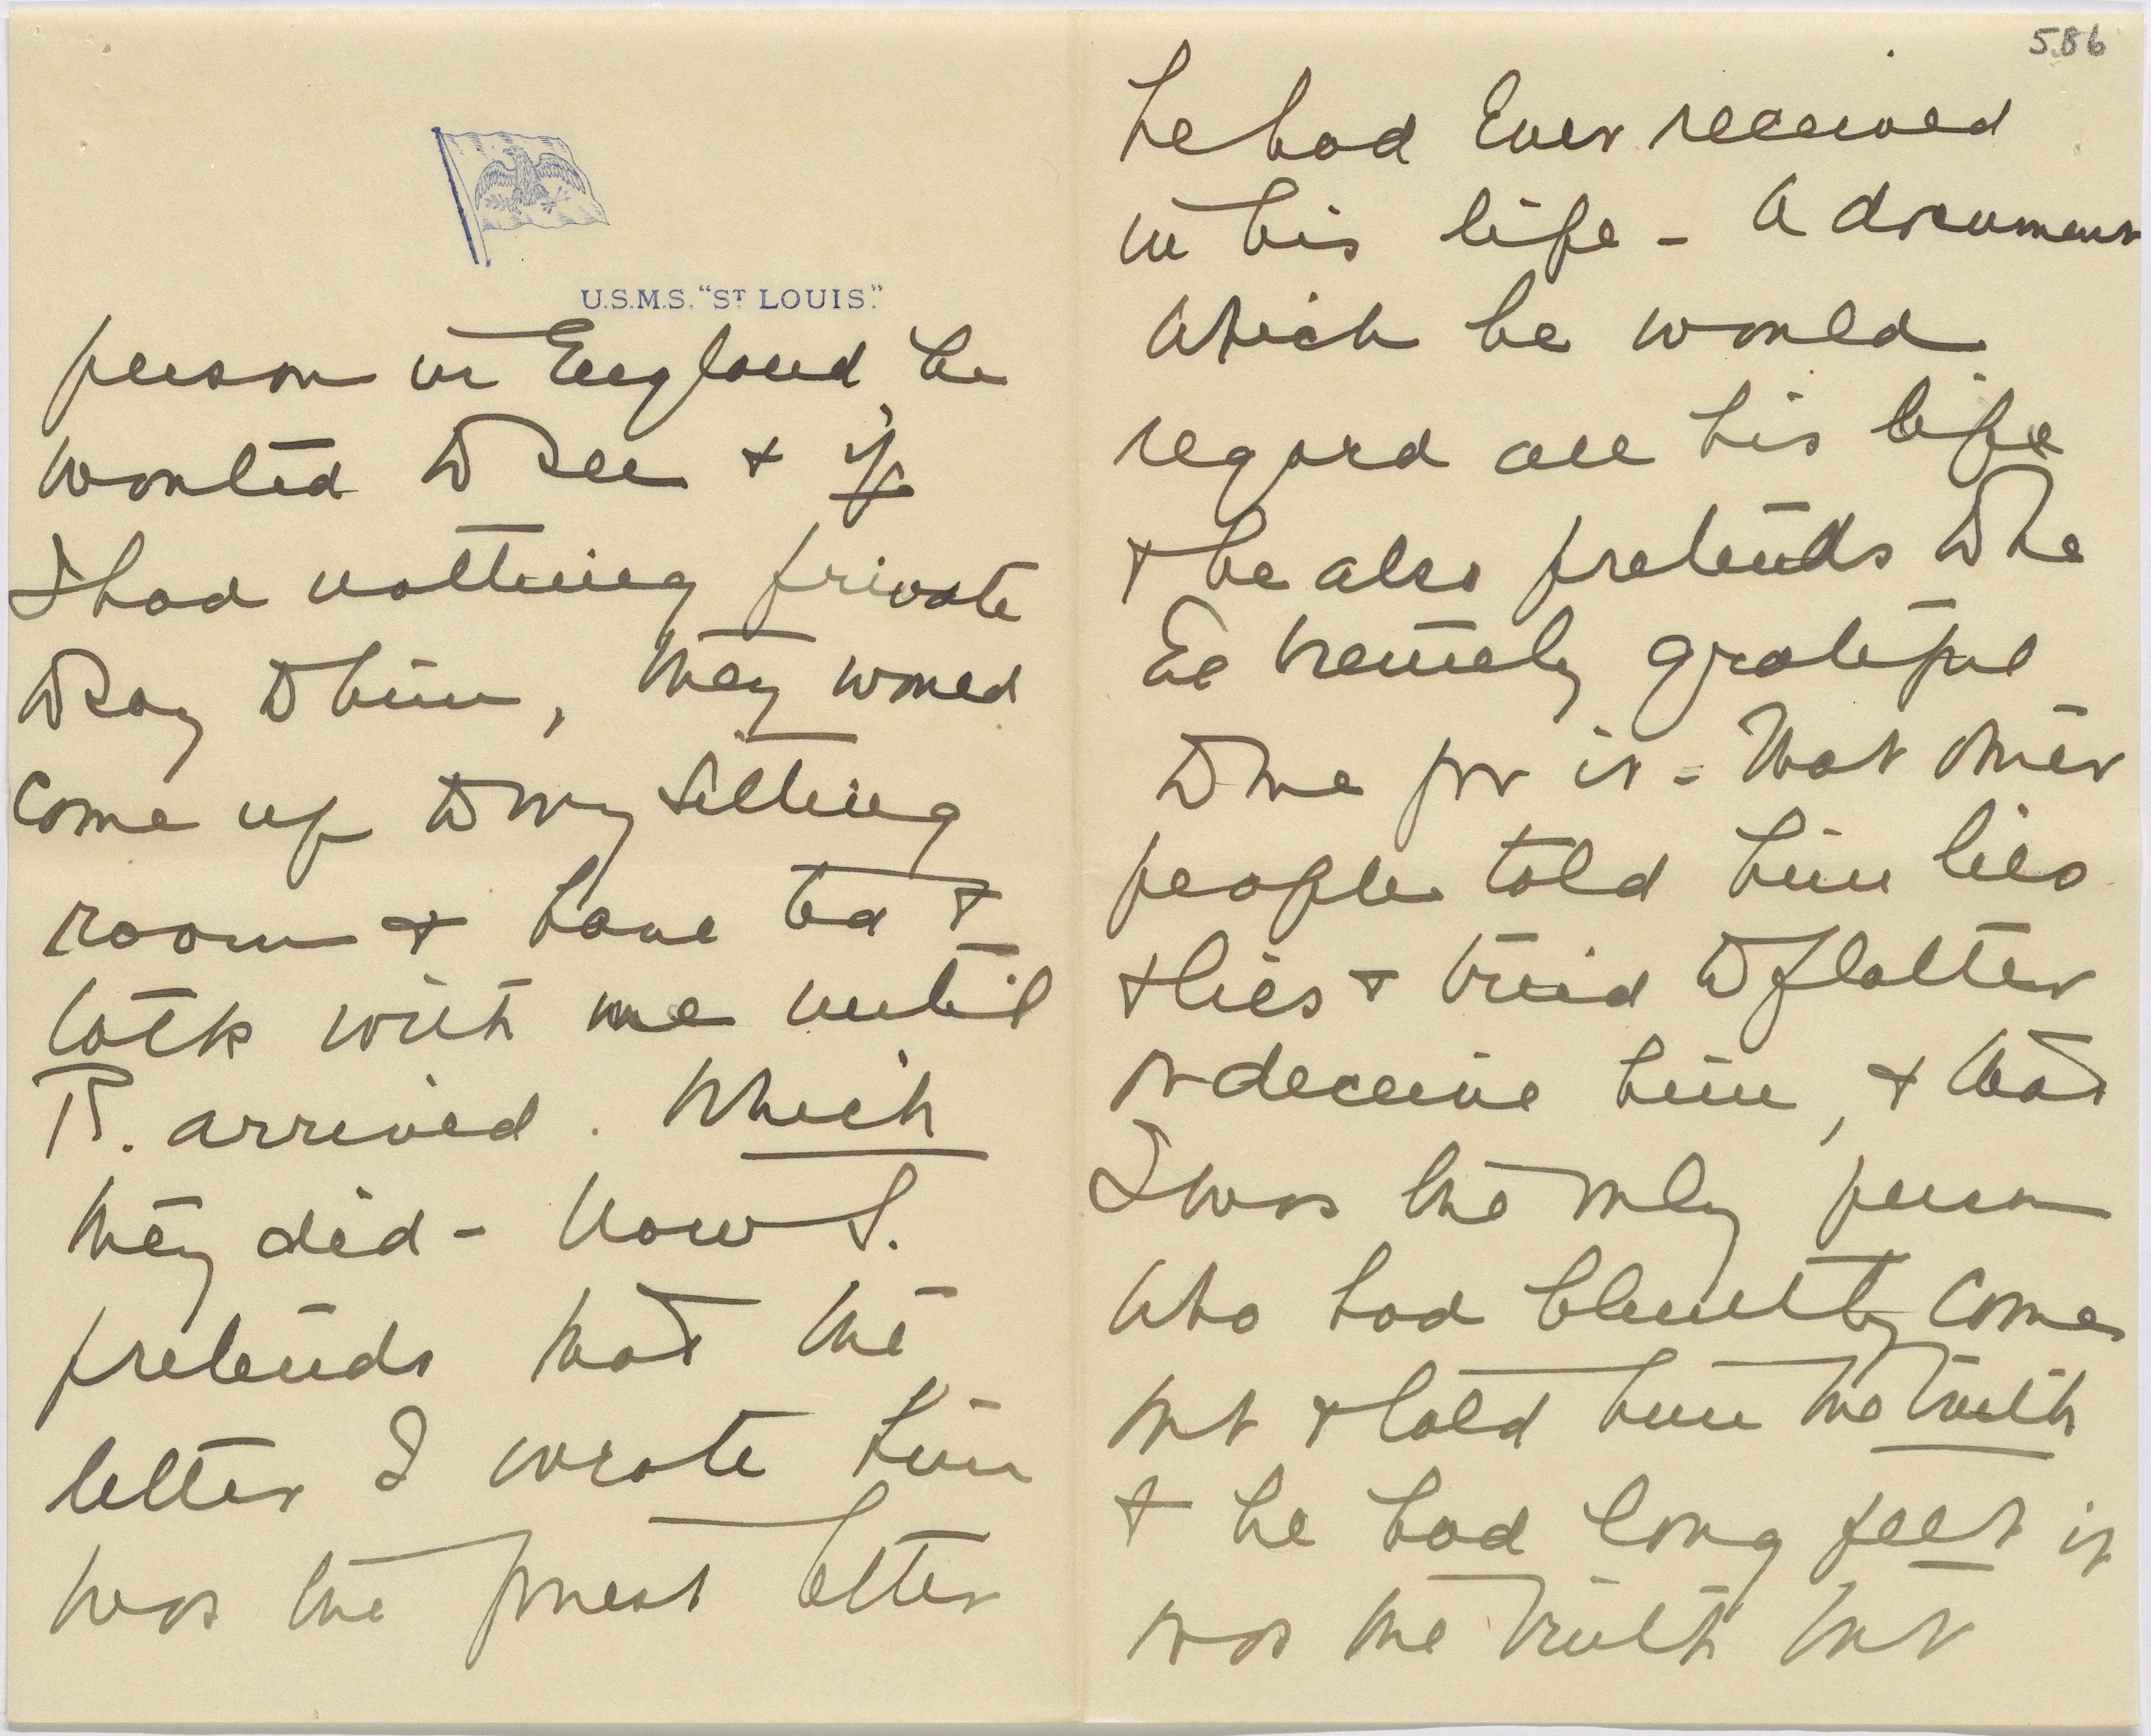person in England he wanted to see & if I had nothing private to say to him, they would come up to my sitting room & have tea & talk with me until R. arrived. Which they did – Now S. pretends that the letter I wrote him was the finest letter
he had ever received in his life – a document which he would regard all his life & he also pretends to be extremely grateful to me for it – That other people told him lies & lies & tried to flatter or deceive him, & that I was the only person who had bluntly come out & told him the truth & he had long felt it was the truth but